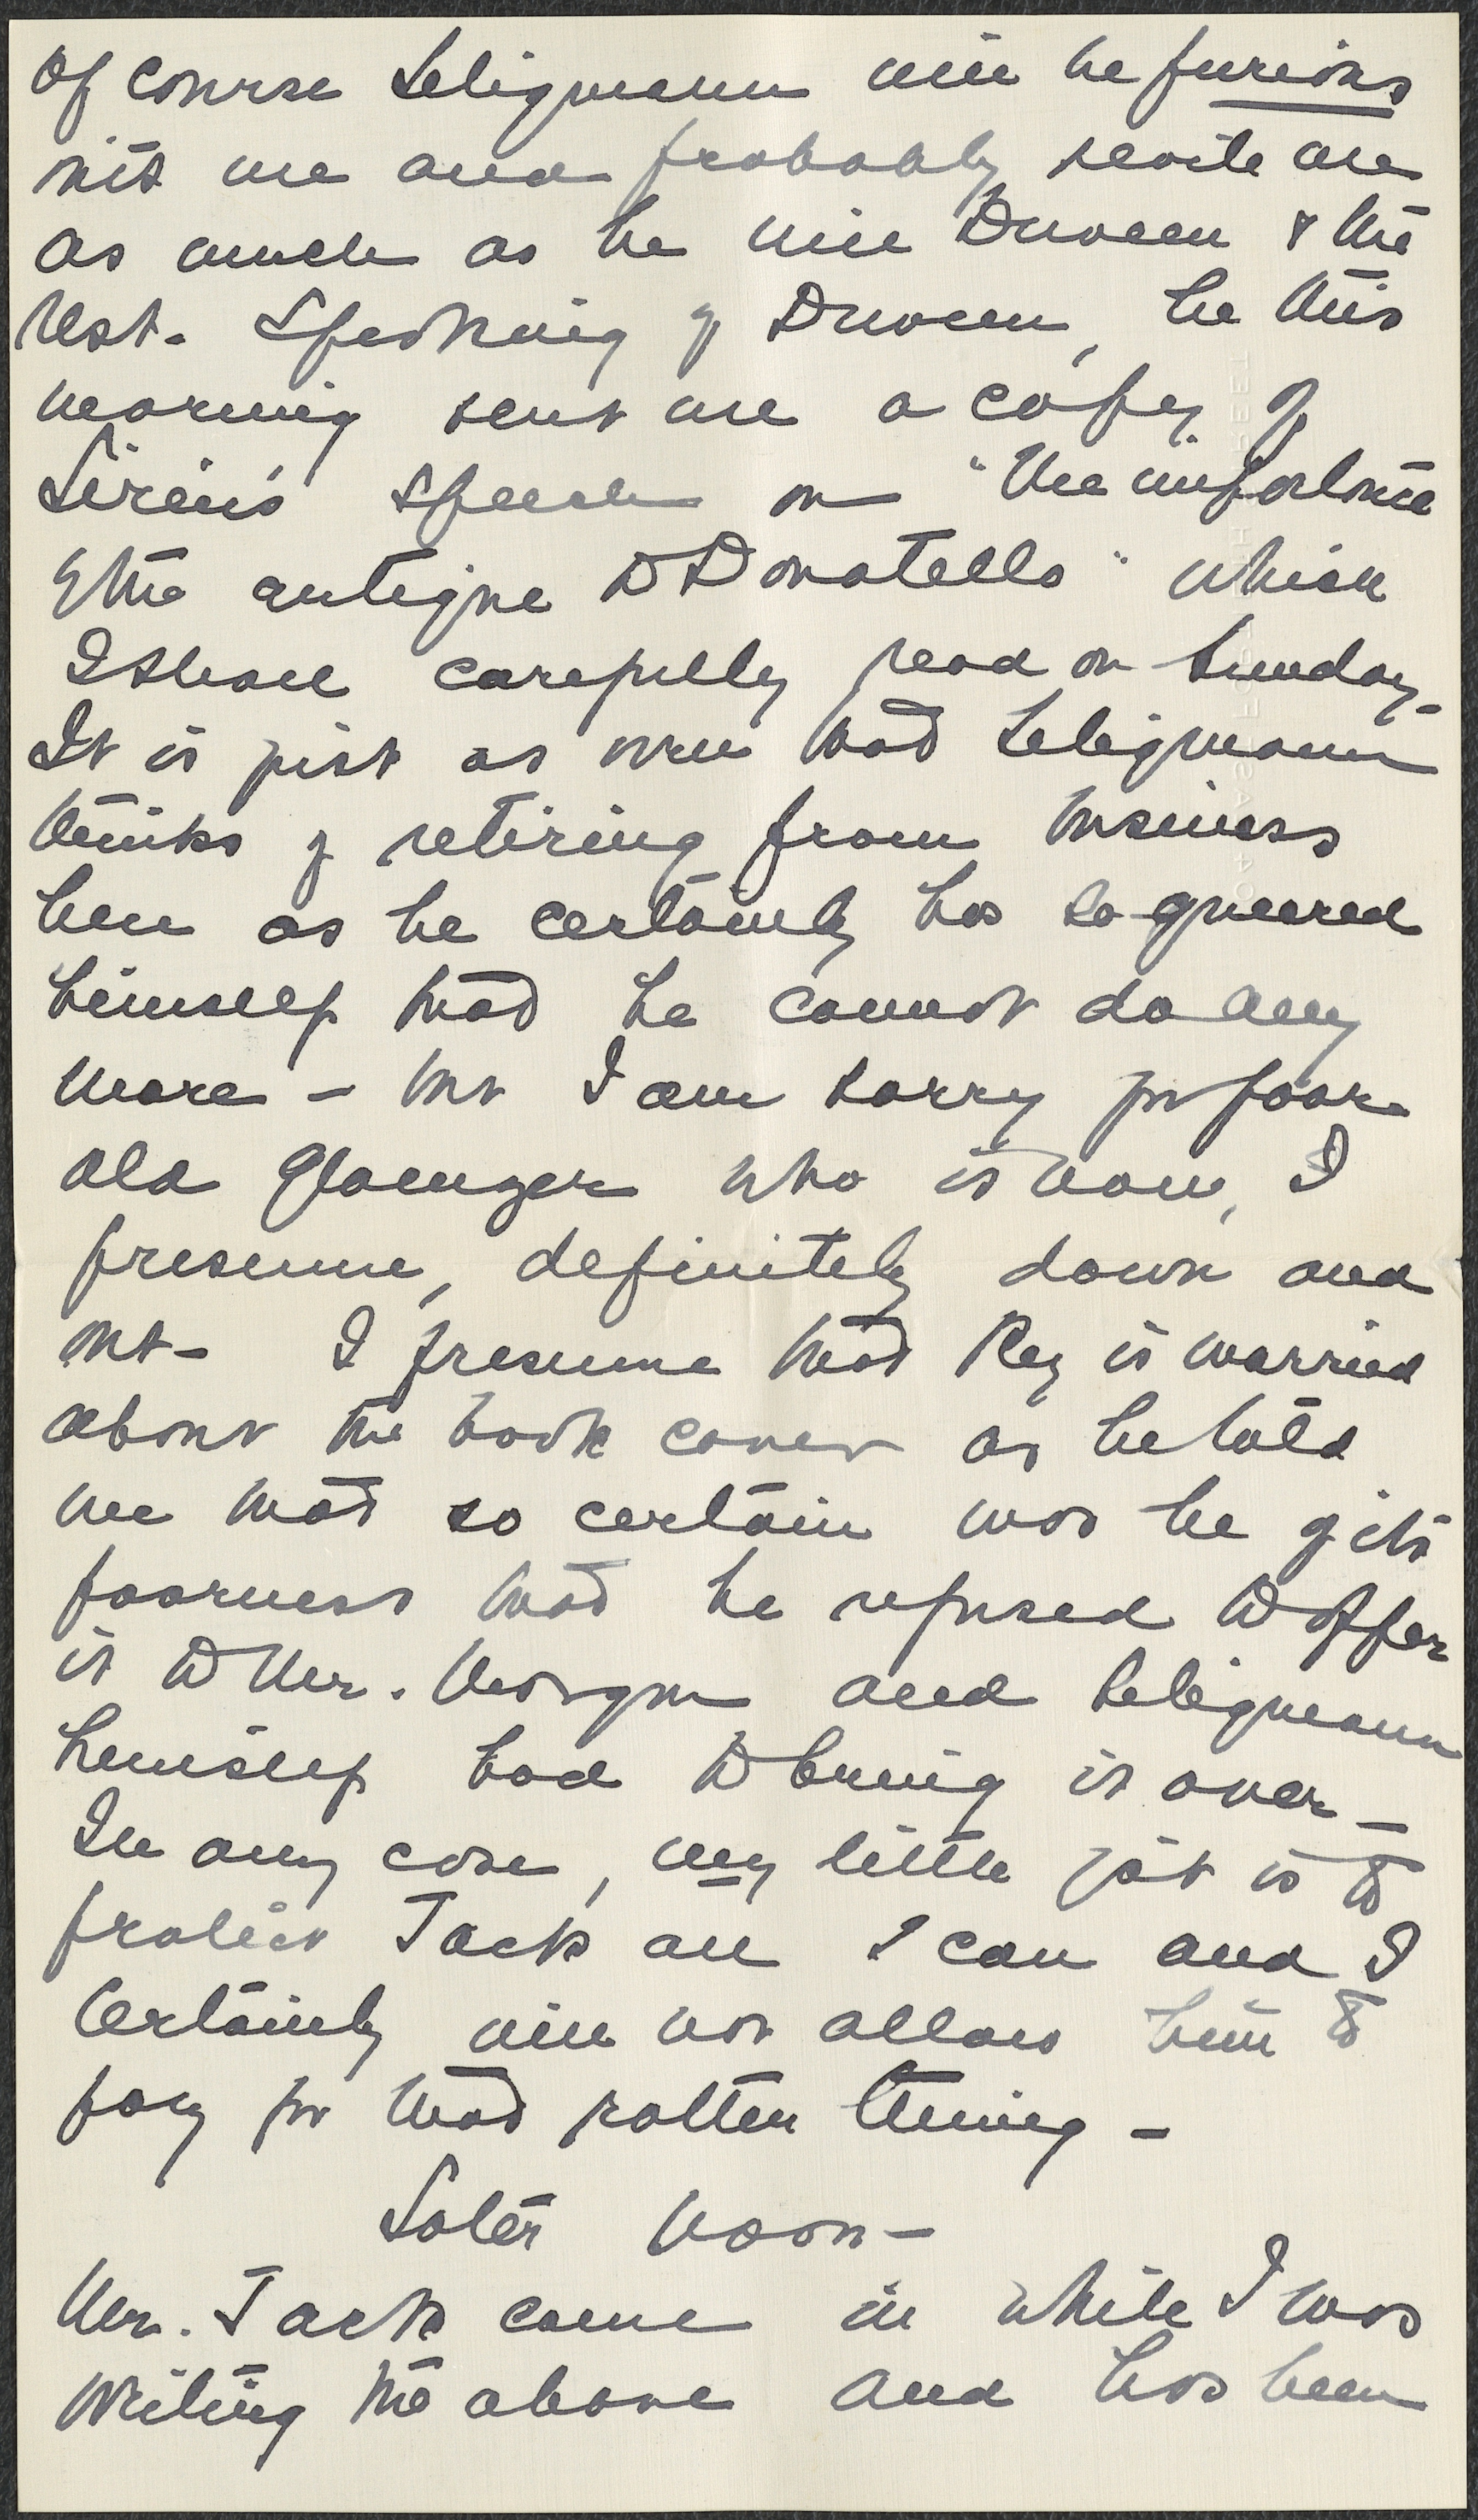Of course Seligmann will be furious with me and probably revile me as much as he will Duveen & the rest – speaking of Duveen, he this morning sent me a copy of Sirén’s speech on “The importance of the antique to Donatello” which I shall carefully read on Sunday – It is just as well that Seligmann thinks of retiring from business here as he certainly has so queered himself that he cannot do any more – but I am sorry for poor old Glaenzer who is now, I presume, definitely down and out – I presume that Rey is worried about his book cover as he told me that so certain was he of its poorness that he refused to offer it to Mr. Morgan and Seligmann himself had to bring it over – In any case, my little job is to protect Jack all I can and I certainly will not allow him to pay for that rotten thing –
Later noon –
Mr. Jack came in while I was writing the above and has been